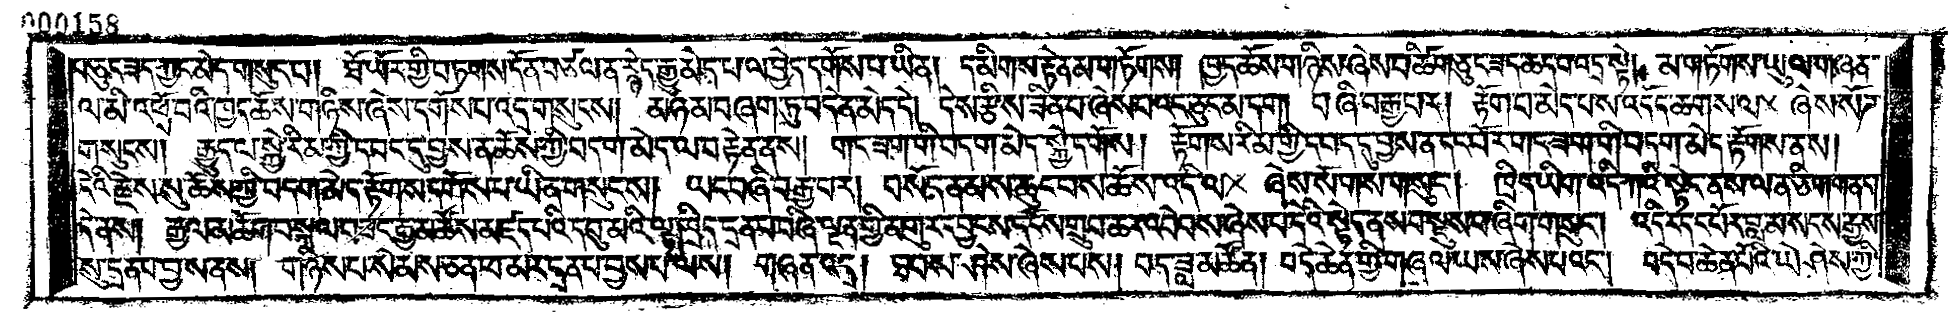པ་ཅུང་ཟད་ཀྱང་མེད་གསུང་པ། ཐོ་ཡོར་གྱི་བཏགས་དོན་བཙལ་ན་རྙེད་རྒྱུ་མེད་པ་ལ་བྱེད་དགོས་པ་ཡིན། དམིགས་རྟེན་མ་གཏོགས། ཁྱད་ཆོས་གཉིས་ཞེས་པ་ཚིག་ཅུང་ཟད་ཆད་པ་འདྲ་སྟེ། མ་གཏོགས་ཡུལ་གཞན་
ལ་མི་འཕྲོ་བའི་ཁྱད་ཆོས་གཉིས་ཞེས་དགོས་པ་འདྲ་གསུངས། མཉམ་བཞག་ཏུ་བདེན་མེད་དེ། དེས་རྩིས་ཟིན་པ་ཞེས་པའང་ཅུང་མ་དག །བཞི་བརྒྱ་པར། རྟོག་པ་མེད་པས་འདོད་ཆགས་ལ྾་ཞེས་སོགས་
གསུངས༑ རྒྱུད་ལ་སྐྱེ་རིམ་གྱི་དབང་དུ་བྱས་ན་ཆོས་ཀྱི་བདག་མེད་ལ་བརྟེན་ནས། གང་ཟག་གི་བདག་མེད་སྐྱེ་དགོས། རྟོགས་རིམ་གྱི་དབང་དུ་བྱས་ན་དང་པོར་གང་ཟག་གི་བདག་མེད་རྟོགས་ནས།
དེའི་རྗེས་སུ་ཆོས་ཀྱི་བདག་མེད་རྟོགས་དགོས་པ་ཡིན་གསུངས། ཡང་བཞི་བརྒྱ་པར། བསོད་ནམས་ཆུང་བས་ཆོས་འདི་ལ྾་ཞེས་སོགས་གསུང་། ཁྲིད་ཡིག་འདི་ཀའི་སྟེང་ནས་ལན་ཅིག་གནང་།
དེ་ནས། རྒྱལ་མཆོག་བསྐལ་བཟང་རྒྱ་མཚོས་མཛད་པའི་དབུ་མའི་ལྟ་ཁྲིད་དྲན་པ་བཞི་ལྡན་གྱི་མགུར་དབྱངས་དངོས་གྲུབ་ཆར་འབེབས་ཞེས་པ་དེའི་སྟེང་ནས་བསྡུས་པ་ཞིག་གསུང་། འདིར་དང་པོར་བླ་མ་སངས་རྒྱས་
སུ་དྲན་པ་བྱས་ནས། གཉིས་པ་སེམས་ཅན་ཕ་མར་དྲན་པ་བྱས་པ་ལས། གཞན་འདྲ། ཐབས་ཤེས་ཞེས་པས། པད་ཟླ་མཚོན། བདེ་ཆེན་གྱི་གཞལ་ཡས་ཞེས་པའང་། བདེ་བ་ཆེན་པོའི་ཡེ་ཤེས་ཀྱི་